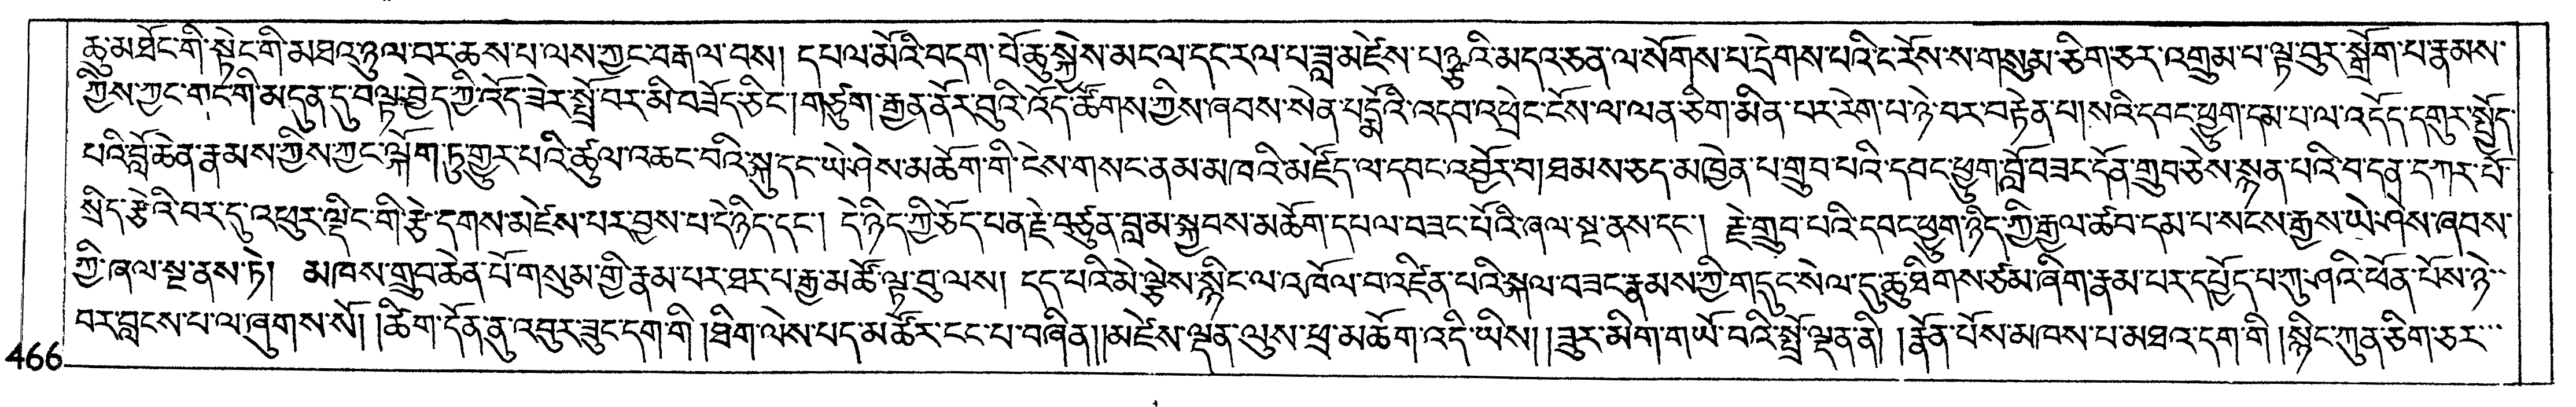ཆུ་མཐོང་གི་སྟེང་གི་མཐའ་ཉུལ་བར་ཆས་པ་ལས་ཀྱང་བརྒལ་བས། དཔལ་མོའི་བདག་པོ་ཆུ་སྐྱེས་མངལ་དང་རལ་པ་ཟླ་མཛེས་པཉྩའི་མདའ་ཅན་ལ་སོགས་པ་དྲེགས་པའི་ང་རོས་ས་གསུམ་ཅིག་ཅར་འགྲུམ་པ་ལྟ་བུར་སྒྲོག་པ་རྣམས་
ཀྱིས་ཀྱང་གང་གི་མདུན་དུ་བལྟ་བྱེད་ཀྱི་འོད་ཟེར་སྤྲོ་བར་མི་བཟོད་ཅིང་། གཙུག་རྒྱན་ནོར་བུའི་འོད་ཚོགས་ཀྱིས་ཞབས་སེན་པདམོའི་འདབ་འཕྲེང་ངོས་ལ་ལན་ཅིག་མིན་པར་རེག་པ་ཉེ་བར་བརྟེན་པ། སའི་དབང་ཕྱུག་དམ་པ་ལ་འདོད་དགུར་སྤྱོད་
པའི་བློ་ཆེན་རྣམས་ཀྱིས་ཀྱང་ལྐོག་ཏུ་གྱུར་པའི་ཚུལ་འཆང་བའི་སྐུ་དང་ཡེ་ཤེས་མཆོག་གི་ངེས་གསང་ནམ་མཁའི་མཛོད་ལ་དབང་འབྱོར་བ། ཐམས་ཅད་མཁྱེན་པ་གྲུབ་པའི་དབང་ཕྱུག་བློ་བཟང་དོན་གྲུབ་ཅེས་སྙན་པའི་བ་དན་དཀར་པོ་
སྲིད་རྩེའི་བར་དུ་འཕུར་ལྡིང་གི་རྩེ་དགས་མཛེས་པར་བྱས་པ་དེ་ཉིད་དང་། དེ་ཉིད་ཀྱི་ཅོད་པན་རྗེ་བཙུན་བླ་མ་སྐྱབས་མཆོག་དཔལ་བཟང་པོའི་ཞལ་སྔ་ནས་དང་། རྗེ་གྲུབ་པའི་དབང་ཕྱུག་ཉིད་ཀྱི་རྒྱལ་ཚབ་དམ་པ་སངས་རྒྱས་ཡེ་ཤེས་ཞབས་
ཀྱི་ཞལ་སྔ་ནས་ཏེ། མཁས་གྲུབ་ཆེན་པོ་གསུམ་གྱི་རྣམ་པར་ཐར་པ་རྒྱ་མཚོ་ལྟ་བུ་ལས། དད་པའི་མེ་ལྕེས་སྙིང་ལ་འཁོལ་བ་འཛིན་པའི་སྐལ་བཟང་རྣམས་ཀྱི་གདུང་སེལ་དུ་ཆུ་ཐིགས་ཙམ་ཞིག་རྣམ་པར་དཔྱོད་པ་ཀུ་ཤའི་ཕོན་པོས་ཉེ་
བར་བླངས་པ་ལ་ཞུགས་སོ། །ཚིག་དོན་ནུ་འབུར་ཟུང་དག་གི །ཐིག་ལེས་པད་མཚོར་ངང་པ་བཞིན། །མཛེས་ལྡན་ལུས་ཕྲ་མཆོག་འདི་ཡིས། །ཟུར་མིག་གཡོ་བའི་སྤྲོ་ལྡན་ནི། །རྣོན་པོས་མཁས་པ་མཐའ་དག་གི །སྙིང་ཀུན་ཅིག་ཅར་